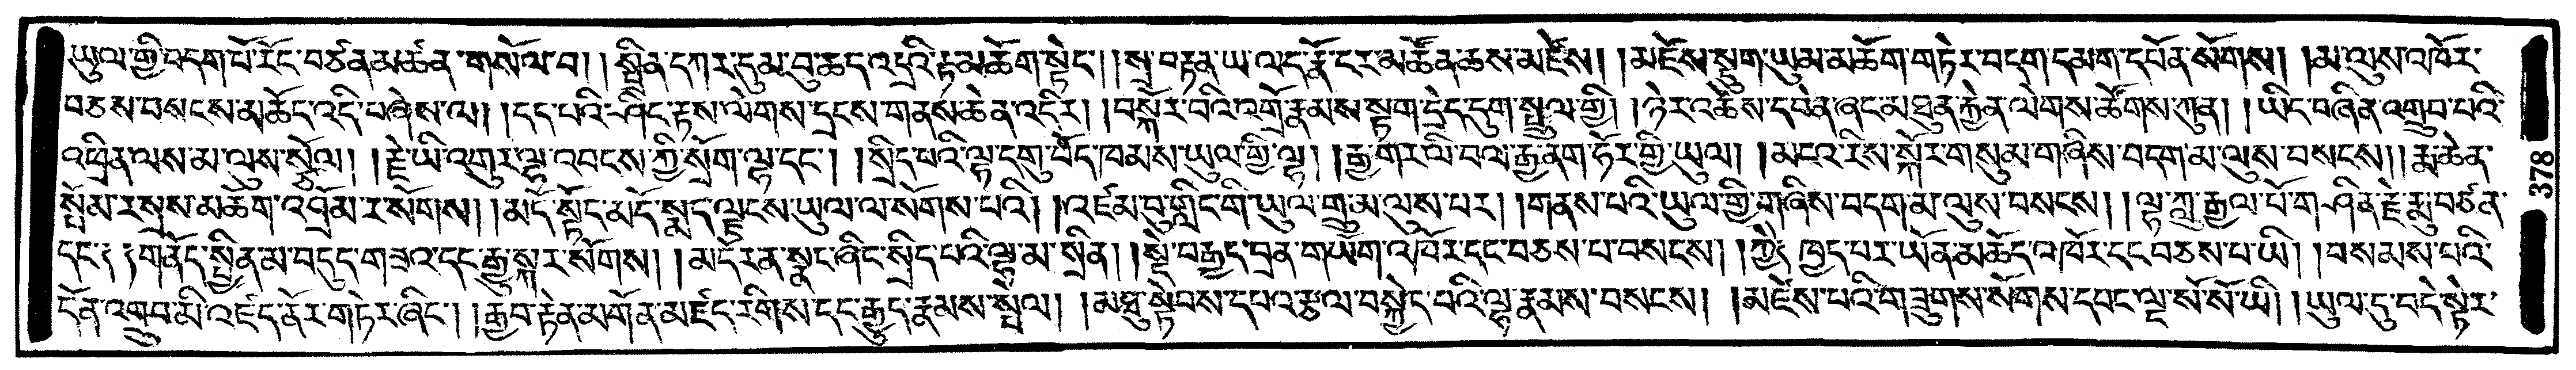ཡུལ་གྱི་བདག་པོ་རོང་བཙན་མཚན་གསོལ་བ། །སྤྲིན་དཀར་དུམ་བུ་ཆད་འདྲའི་རྟ་མཆོག་སྟེང་། །སྲ་བརྟན་ཡ་ལད་རྣོ་ངར་མཚོན་ཆས་མཛེས། །མཛེས་སྡུག་ཡུམ་མཆོག་གཏེར་བདག་དམག་དཔོན་སོགས། །མ་ལུས་འཁོར་
བཅས་བསངས་མཆོད་འདི་བཞེས་ལ། །དད་པའི་ཤིང་རྟས་ལེགས་དྲངས་གནས་ཆེན་འདིར། །བསྐོར་བའི་འགྲོ་རྣམས་སྟག་དྲེད་དུག་སྤྲུལ་གྱི། །ཉེར་འཚེས་དབེན་ཞང་མཐུན་རྐྱེན་ལེགས་ཚོགས་ཀུན། །ཡིད་བཞིན་འགྲུབ་པའི་
འཕྲིན་ལས་མ་ལུས་སྩོལ། །རྗེ་ཡི་འགུར་ལྷ་འབངས་ཀྱི་སྲོག་ལྷ་དང་། །སྲིད་པའི་ལྷ་དགུ་བོད་ཁམས་ཡུལ་གྱི་ལྷ། །རྒྱ་གར་ལི་བལ་རྒྱ་ནག་ཧོར་གྱི་ཡུལ། །མངའ་རིས་སྐོར་གསུམ་གཞིས་བདག་མ་ལུས་བསངས། །རྨ་ཆེན་
སྤོམ་ར་སྲས་མཆོག་འབྲོམ་ར་སོགས། །མདོ་སྟོད་མདོ་སྨད་ལྗངས་ཡུལ་ལ་སོགས་པའི། །འཛམ་བུ་གླིང་གི་ཡུལ་གྲུ་མ་ལུས་པར། །གནས་པའི་ཡུལ་གྱི་གཞིས་བདག་མ་ལུས་བསངས། །ལྷ་ཀླུ་རྒྱལ་པོ་གཤིན་རྗེ་རྨུ་བཙན་
དང་། །གནོད་སྤྱིན་མ་བདུད་གཟའ་དང་རྒྱུ་སྐར་སོགས། །མདོར་ན་སྣང་ཞིང་སྲིད་པའི་ལྷ་མ་སྲིན། །སྡེ་བརྒྱད་བྲན་གཡོག་འཁོར་དང་བཅས་པ་བསངས། །ཀྱཻ། ཁྱད་པར་ཡོན་མཆོད་འཁོར་དང་བཅས་པ་ཡི། །བསམས་པའི་
དོན་འགྲུབ་མི་འཛད་ནོར་གཏེར་ཞིང་། །རྒྱབ་རྟེན་མགོན་མཛད་རིགས་དང་རྒྱུད་རྣམས་སྤེལ། །མཐུ་སྟེབས་དཔའ་རྩལ་བསྐྱེད་པའི་ལྷ་རྣམས་བསངས། །མཛེས་པའི་གཟུགས་སོགས་དབང་ལྔ་སོ་སོ་ཡི། །ཡུལ་དུ་བདེ་སྟེར་